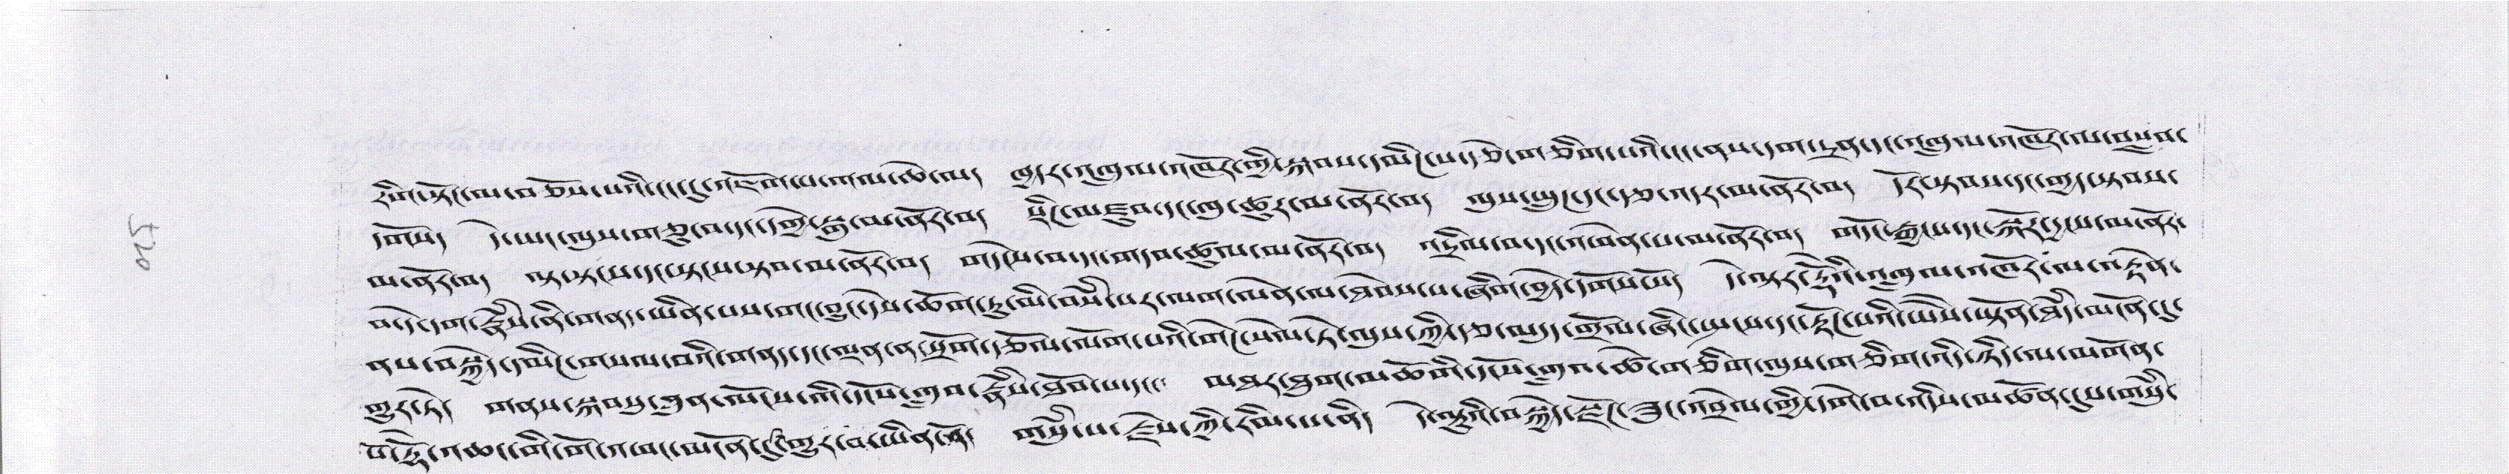རིག་སྟོང་མ་བཅོས་པའི་ངང་དུ་འཇོག་པ་གལ་ཆེ་ལ། ཁྱད་པར་འཁྲུལ་འཁོར་གྱི་སྐབས་དམིགས་པ་རྩེ་གཅིག་གི་ངང་ནས་དག་དྲན་དང་འཁྲུལ་འཁོར་ལ་བསླབ་
དགོས། དེ་ཡང་ལུས་གཅུ་བ་དང་དགྱེ་སྒུ་མ་ནོར་བ་སྡིགས་མཛུབ་དང་ཁུ་ཚུར་མ་ནོར་བ། ལུས་ཕྲུགས་དང་རྩ་འདར་མ་ནོར་བ། དོར་སྟབས་དང་གྱད་སྟབས་
མ་ནོར་བ། ལྟ་སྟངས་དང་སྟངས་སྟབས་མ་ནོར་བ། གདེངས་བ་དང་གདབ་ཚུལ་མ་ནོར་བ། འདྲིལ་བ་དང་འཕེན་པ་མ་ནོར་བ། གདོང་རྒྱངས་དང་བསྐོར་རྒྱངས་མ་ནོར་
བ་དེ་དག་རྣམས་ནི་གནད་ཡིན་པས་གང་བྱུང་དེས་ཆོག་ཏུ་མི་བསམ་པར་ལག་ལེན་ལ་ཐེབས་པ་ཞིག་བྱེད་དགོས་སོ། དེ་ལྟར་རྡོ་རྗེའི་འཁྲུལ་འཁོར་ལ་བརྟེན་
ནས་བསྐྱེད་དམིགས་གསལ་བའི་གནད་དང་ལྡན་ན་སྲོག་རྩོལ་ལོག་པའི་གེགས་སེལ་ཏེ་ལུས་ཀྱི་རྩ་མདུད་གྲོལ་ཞིང་སྤངས་དང་རྟོགས་པའི་ཡོན་ཏན་མངོན་དུ་
གྱུར་ཏེ། གནས་སྐབས་སུ་ཐུན་མོང་གི་དངོས་གྲུབ་རྣམས་ཐོབ་པ་དང་མཐར་ཐུག་མཆོག་གི་དངོས་གྲུབ་ཚེ་གཅིག་ལུས་གཅིག་འདི་ཉིད་ལ་མགོན་
པོ་རྡོ་རྗེ་འཆང་གི་གོ་འཕང་མངོན་དུ་གྱུར་པ་ཡིན་ནོ། གསུམ་པ་རྗེས་ཀྱི་རིམ་པ་ནི། དེ་ལྟ་བུའི་བསྐྱེད་རྫོགས་ཟུང་འབྲེལ་གྱི་དགེ་བ་འདིས་མཚོན་དུས་གསུམ་